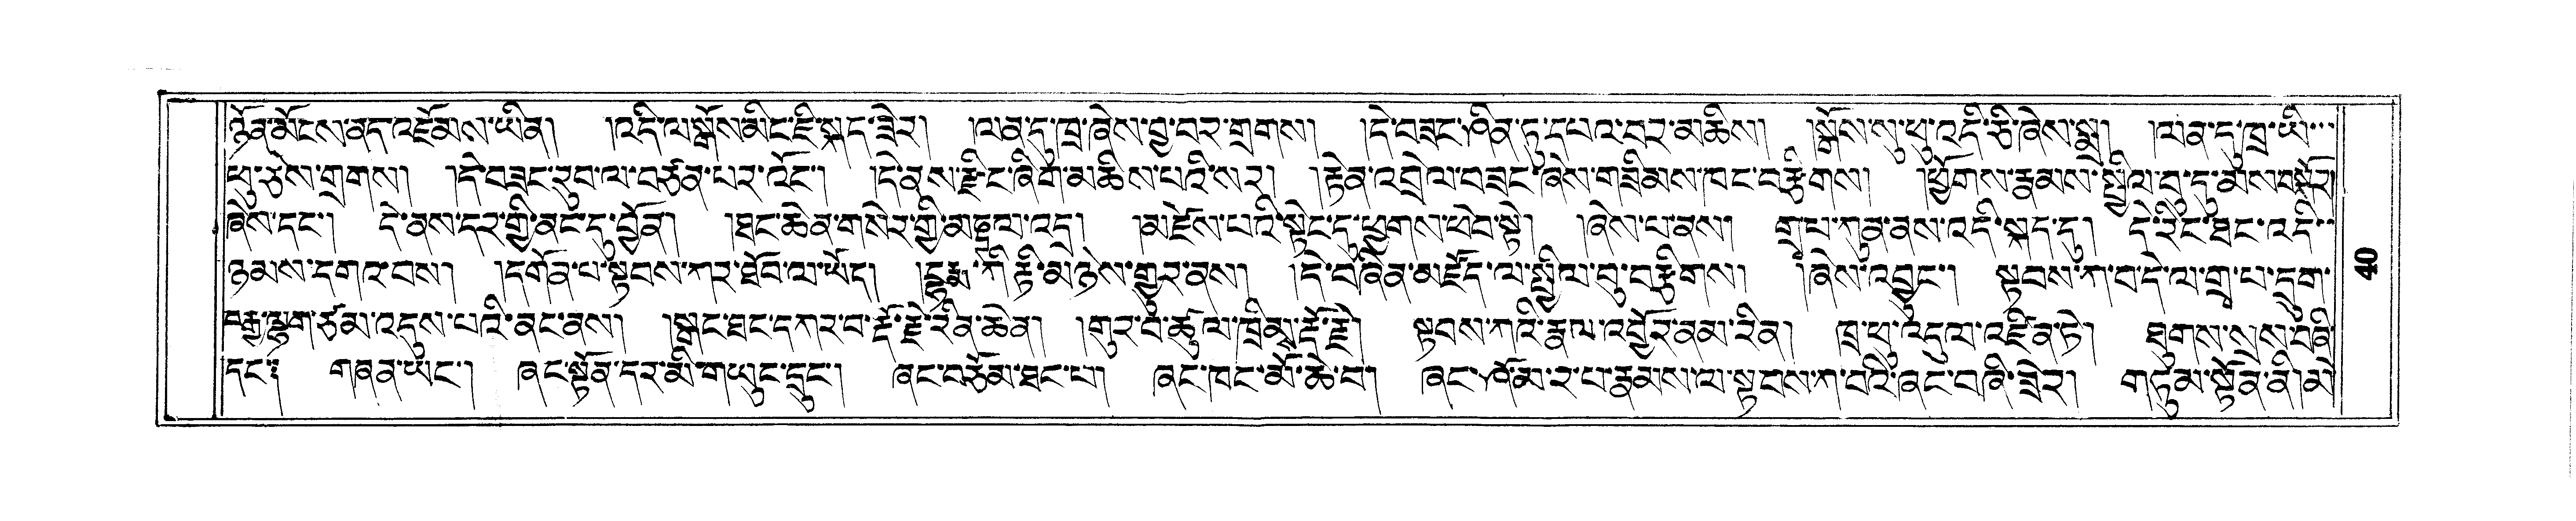ཉོན་མོངས་ནད་འཇོམས་ཡིན། །འདི་ལ་སྒོས་མིང་ཇི་སྐད་ཟེར། །ལན་དུ་ཁྲ་ཞེས་བྱ་བར་གྲགས། །དེ་བཟང་ཤིན་ཏུ་དཔའ་བར་མཆིས། །སྒོས་སུ་ཕུ་འདི་ཅི་ཞེས་སྨྲ། །ལན་དུ་ཁྲ་ཡི་
ཕུ་ཅེས་གྲགས། །དེ་བཟང་རུབ་ལ་བཙན་པར་འོང་། །དེ་ནས་རྫིང་ཞིག་མཆིས་པའི་སར། །རྟེན་འབྲེལ་བཟང་ཞེས་གཟིམས་ཁང་བརྩིགས། །ཕྱོགས་རྣམས་སྤྱིལ་བུ་དུ་མས་བསྐོར།
ཞེས་དང་། དེ་ནས་དར་གྱི་ནང་དུ་བྱོན། །ཐང་ཆེན་གསེར་གྱི་མཎྜལ་འདྲ། །མཛེས་པའི་སྟེང་དུ་ཕྱགས་ཕེབ་སྟེ། །ཞེས་པ་ནས། གྲྭ་པ་ཀུན་ནས་འདི་སྐད་དུ། དེ་རིང་ཐང་འདི་
ཉམས་དགའ་བས། །དགོན་པ་སྟབས་ཀར་ཐོབ་ལ་ཡོད། །དྷརྨ་ཀིརྟི་མཉེས་གྱུར་ནས། །དེ་བཞིན་མཛོད་ལ་སྤྱིལ་བུ་བརྩིགས། །ཞེས་འབྱུང་། སྟབས་ཀ་བ་དེ་ལ་གྲྭ་པ་དྲུག་
བརྒྱ་ལྷག་ཙམ་འདུས་པའི་ནང་ནས། །སྒང་ཐང་དཀར་བ་རྡོ་རྗེ་རིན་ཆེན། །གུར་བ་ཚུལ་ཁྲིམས་རྡོ་རྗེ། སྟབས་ཀའི་རྣལ་འབྱོར་ནམ་རིན། ཁྲ་ཕུ་འདུལ་འཛིན་ཏེ། ཐུགས་སྲས་བཞི་
དང༑ གཞན་ཡང་། ཞང་སྟོན་དར་མི་གཡུང་དྲུང་། ཞང་བཅོམ་ཐང་པ། ཞང་ཁང་མོ་ཆེ་བ། ཞང་ཤོ་མར་ར་པ་རྣམས་ལ་སྟབས་ཀ་བའི་ཞང་བཞི་ཟེར། གཏུམ་སྟོན་ནི། མེ་